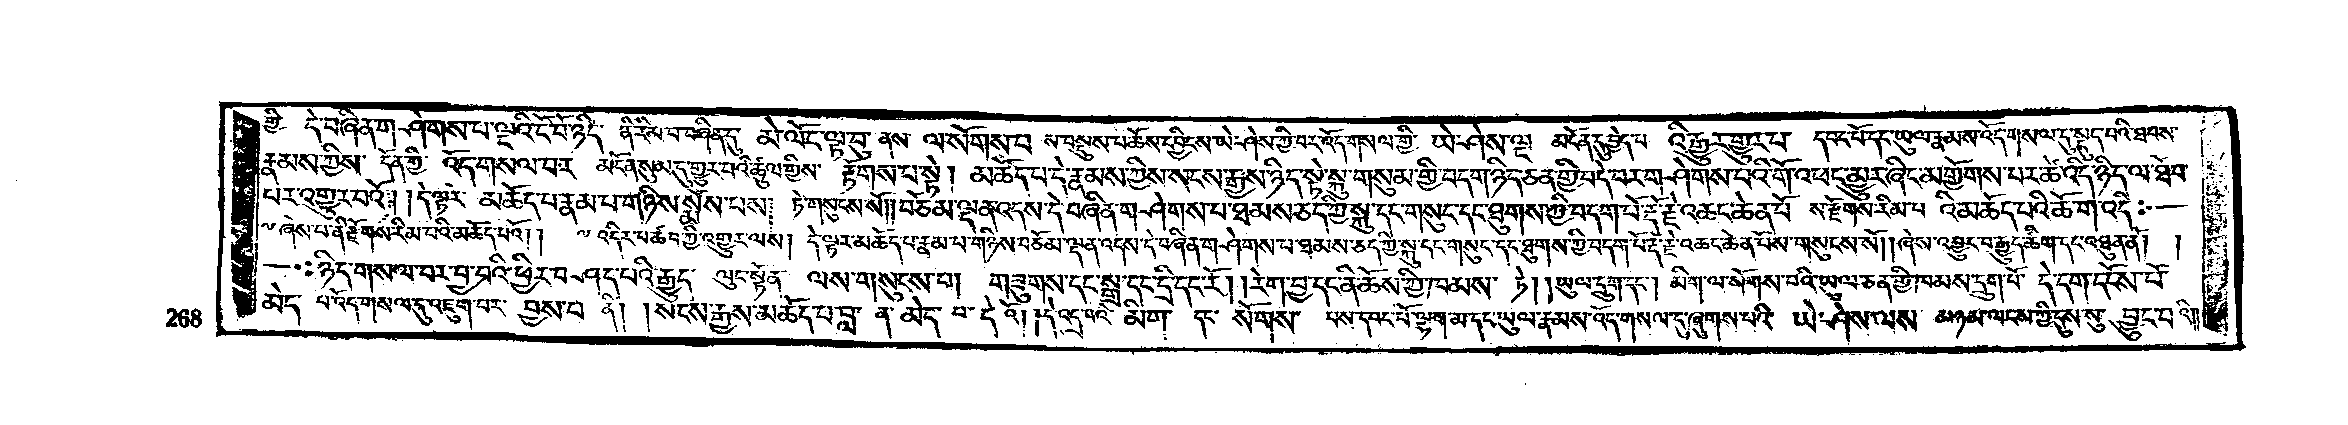གྱི་དེ་བཞིན་གཤེགས་པ་ལྔའི་ངོ་བོ་ཉིད་ནི་རིམ་པ་བཞིན་དུ་མེ་ལོང་ལྟ་བུ་ནས་ལ་སོགས་པས་བསྡུས་པ་ཆོས་དབྱིངས་ཡེ་ཤེས་ཀྱི་བར་འོད་གསལ་གྱི་ཡེ་ཤེས་ལྔ་མངོན་དུ་བྱེད་པའི་རྒྱུར་གྱུར་པ་དབང་པོ་དང་ཡུལ་རྣམས་འོད་གསལ་དུ་སྡུད་པའི་ཐབས
རྣམས་ཀྱིས་དོན་གྱི་འོད་གསལ་བར་མངོན་སུམ་དུ་གྱུར་པའི་ཚུལ་གྱིས་རྟོགས་པ་སྟེ། མཆོད་པ་དེ་རྣམས་ཀྱིས་སངས་རྒྱས་ཉིད་སྟེ་སྐུ་གསུམ་གྱི་བདག་ཉིད་ཅན་གྱི་བདེ་བར་གཤེགས་པའི་གོ་འཕང་མྱུར་ཞིང་མགྱོགས་པར་ཚེ་འདི་ཉིད་ལ་ཐོབ་
པར་འགྱུར་བའོ། ། དེ་ལྟར་མཆོད་པ་རྣམ་པ་གཉིས་སྨོས་པས་ཏེ་གསུངས་སོ། །བཅོམ་ལྡན་འདས་དེ་བཞིན་གཤེགས་པ་ཐམས་ཅད་ཀྱི་སྐུ་དང་གསུང་དང་ཐུགས་ཀྱི་བདག་པོ་རྡོ་རྗེ་འཆང་ཆེན་པོས་རྫོགས་རིམ་པའི་མཆོད་པའི་ཆོ་ག་འདི་H.
༧ཞེས་པ་ནི་རྫོགས་རིམ་པའི་མཆོད་པའོ།། ༧འདིར་པ་ཚབ་ཀྱི་འགྱུར་ལས། དེ་ལྟར་མཆོད་པ་རྣམ་པ་གཉིས་བཅོམ་ལྡན་འདས་དེ་བཞིན་གཤེགས་པ་ཐམས་ཅད་ཀྱི་སྐུ་དང་གསུང་དང་ཐུགས་ཀྱི་བདག་པོ་རྡོ་རྗེ་འཆང་ཆེན་པོས་གསུངས་སོ། །ཞེས་འབྱུང་བ་རྒྱུད་ཚིག་དང་འཐུན་ནོ། །
.H ཉིད་གསལ་བར་བྱ་བའི་ཕྱིར་བཤད་པའི་རྒྱུད་ལུང་སྟོན་ལས་གསུངས་པ། གཟུགས་དང་སྒྲ་དང་དྲི་དང་རོ། །རེག་བྱ་དང་ནི་ཆོས་ཀྱི་ཁམས་ཏེ། །ཡུལ་དྲུག་དང་། མིག་ལ་སོགས་པའི་ཡུལ་ཅན་གྱི་ཁམས་དྲུག་པོ་དེ་དག་དངོས་པོ་
མེད་པ་འོད་གསལ་དུ་འཇུག་པར་བྱས་པ་ནི། །སངས་རྒྱས་མཆོད་པ་བླ་ན་མེད་པ་དེའོ། ། དེ་འདྲ་བའི་མིག་དང་སོགས་པས་དབང་པོ་ལྷག་མ་དང་ཡུལ་རྣམས་འོད་གསལ་དུ་ཞུགས་པའི་ཡེ་ཤེས་ལས་མཉམ་ལངས་ཀྱི་དུས་སུ་བྱུང་བའི།།